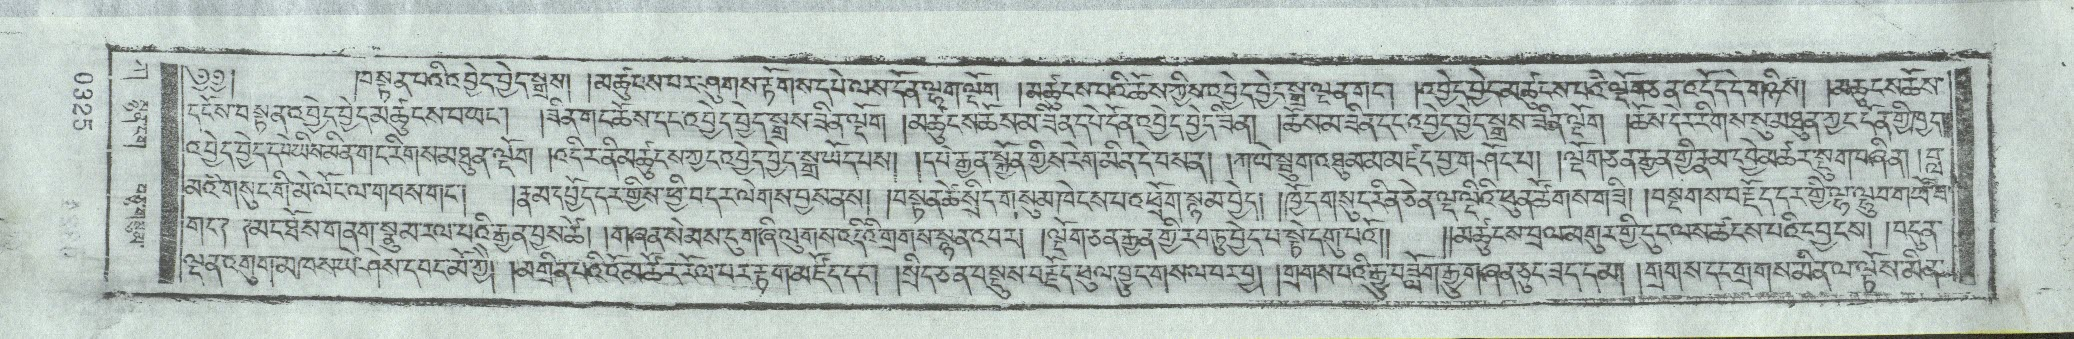༄༅། །བསྟན་པའི་འབྱེད་བྱེད་སྒྲས། །མཚུངས་པར་ཤུགས་རྟོགས་དཔེ་ལས་དོན་ལྷག་ལྡོག །མཚུངས་པའི་ཆོས་ཀྱིས་འབྱེད་བྱེད་སྒྲ་ལྔན་གང་། །འབྱེད་བྱེད་མཚུངས་པའི་ལྡོག་ཅན་འདོད་དེ་གཉིས། །མཆུངས་ཆོས་
དངོས་བསྟན་འབྱེད་བྱེད་མཚུངས་པ་ཡང་། །ཟིན་གང་ཆོས་དང་འབྱེད་བྱེད་སྒྲས་ཟིན་ལྡོག། །མཚུངས་ཆོས་མ་ཟིན་དཔེ་དོན་འབྱེད་བྱེད་ཟིན། །ཆོས་མ་ཟིན་དང་འབྱེད་བྱེད་སྒྲས་ཟིན་ལྡོག །ཆོས་དེར་རིགས་སུ་མཐུན་ཀྱང་དོན་གྱི་ཁྱད།
འབྱེད་བྱེད་དཔེ་ཡིས་མིན་གང་རིགས་མཐུན་ལྡོག །འདིར་ནི་མཚུངས་སྐྱང་འབྱེད་བྱེད་སྒྲ་ཡོད་པས། །དཔེ་རྒྱན་སྐྱོན་གྱིས་རེག་མིན་དེ་བས་ན། །ཀ་ཡེ་སྦུབས་འཐུམ་མ་མཛད་བྱ་གཤོང་པ། །ལྡོག་ཅན་རྒྱན་གྱི་རྣམ་དབྱེ་མཚར་སྡུག་བཞི། །བླ་
མའི་གསུང་གི་མེ་ལོང་ལ་གཟས་གང་། །རྣམ་དབྱོད་དར་གྱིས་ཕྱི་བདར་ལེགས་བྱས་ནས། །བསྟན་ཚེ་སྲིད་གསུམ་ཁེངས་པ་འཕྲོག་སྙམ་བྱེད། །ཁྱོད་གསུང་རིན་ཅེན་ལྡན་ལྔིའི་ཕུན་ཚོགས་གཟི། །བསྔགས་བརྗོད་དར་གྱི་ལྷ་ལྷུང་གཡོ་བ་
གང་། །མང་ཐོས་གནག་སྣུམ་རལ་བའི་རྒྱན་བྱས་ཚེ། །གཞན་སེམས་དུ་གཞི་ལུགས་འདིའི་གྲགས་སྙན་འབར། །ལྡོག་ཅན་རྒྱན་གྱི་རབ་ཏུ་བྱེད་པ་སྟེ་དགུ་པའོ།། །།མཚུངས་བྲལ་མགུར་གྱི་དུང་ལས་ཚངས་པའི་དབྱངས། །བདུན་
ལྡན་འགུག་མཁས་ཡེ་ཤེས་དབང་མོ་ཀྱཻ། །མགྲིན་པའི་འོ་མཚོར་རོལ་པར་རྟག་མཛོད་དང་། །སྲིད་ཅན་བསྡུས་བརྗོད་ཕུལ་བྱུང་གསལ་བར་བྱ། །གྲགས་པའི་རྒྱུ་བཟློག་རྒྱུ་གཞན་ཅུང་ཟད་དམ། །གྲགས་དང་གྲགས་མིན་ལ་ལྟོས་མིན་